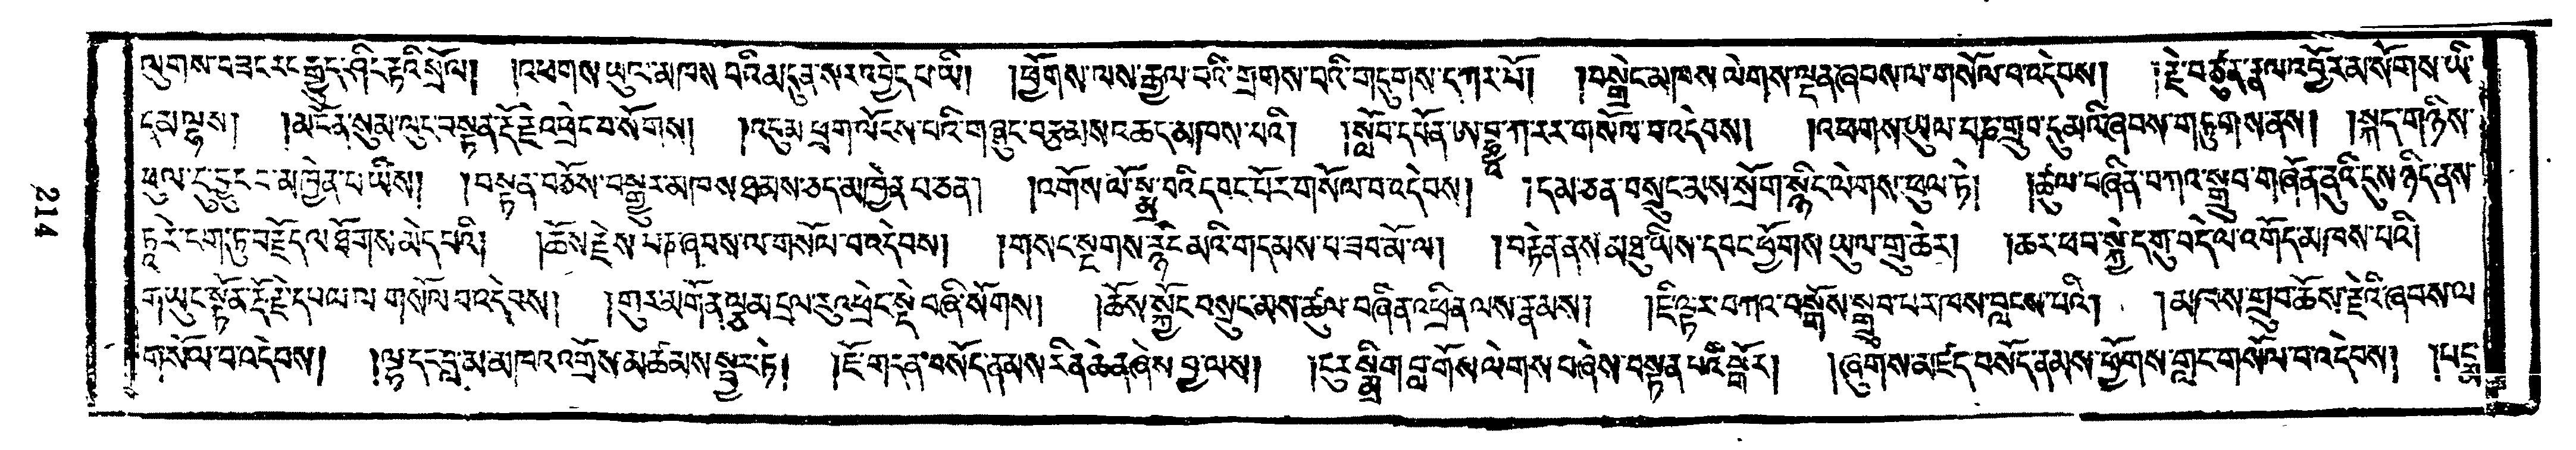ལུགས་བཟང་རང་རྒྱུད་ཤིང་རྟའི་སྲོལ། །འཕགས་ཡུལ་མཁས་བའི་མདུན་སར་འབྱེད་པ་ཡི། །ཕྱོགས་ལས་རྒྱལ་བའི་གྲགས་པའི་གདུགས་དཀར་པོ། །བསྒྲེང་མཁས་ལེགས་ལྡན་ཞབས་ལ་གསོལ་བ་འདེབས། །རྗེ་བཙུན་རྣལ་འབྱོར་མ་སོགས་ཡི་
དམ་ལྷས། །མངོན་སུམ་ལུང་བསྟན་རྡོ་རྗེ་འཕྲེང་བ་སོགས། །འབུམ་ཕྲག་ལོངས་པའི་གཞུང་བརྩམས་འཆད་མཁས་པའི། །སློབ་དཔོན་ཨ་བྷྱཱ་ཀ་རར་གསོལ་བ་འདེབས། །འཕགས་ཡུལ་པཎ་གྲུབ་དུ་མའི་ཞབས་གཏུགས་ནས། །སྐད་གཉིས་
ཕུལ་དུ་བྱུང་བ་མཁྱེན་པ་ཡིས། །བསྟན་བཅོས་བསྒྱུར་མཁས་ཐམས་ཅད་མཁྱེན་པ་ཅན། །འགོས་ལོ་སྨྲ་བའི་དབང་པོར་གསོལ་བ་འདེབས། །དམ་ཅན་བསྲུང་མས་སྲོག་སྙིང་ལེགས་ཕུལ་ཏེ། །ཚུལ་བཞིན་བཀའ་སྒྲུབ་གཞོན་ནུའི་དུས་ཉིད་ནས་
ཏཱ་རེ་ངག་ཏུ་བརྗོད་ལ་ཐོགས་མེད་པའི། །ཆོས་རྗེས་པཎ་ཞབས་ལ་གསོལ་བ་འདེབས། །གསང་སྔགས་རྙིང་མའི་གདམས་པ་ཟབ་མོ་ལ། །བརྟེན་ནས་མཐུ་ཡིས་དབང་ཕྱོགས་ཡུལ་གྲུ་ཆེར། །ཆར་ཕབ་སྐྱེ་དགུ་བདེ་ལ་འགོད་མཁས་པའི།
གཡུང་སྟོན་རྡོ་རྗེ་དཔལ་ལ་གསོལ་བ་འདེབས། །གུར་མགོན་ལྕམ་དྲལ་རུ་འཕྲེང་སྡེ་བཞི་སོགས། །ཆོས་སྐྱོང་བསྲུང་མས་ཚུལ་བཞིན་འཕྲིན་ལས་རྣམས། །ཇི་ལྟར་བཀའ་བསྒོས་སྒྲུབ་པར་ཁས་བླངས་པའི། །མཁས་གྲུབ་ཆོས་རྗེའི་ཞབས་ལ་
གསོལ་བ་འདེབས། །ལྷ་དང་བླ་མ་མཁའ་འགྲོས་མཚམས་སྦྱར་ཏེ། །ཇོ་གདན་བསོད་ནམས་རིན་ཆེན་ཞེས་བྱ་ལས། །དུར་སྨྲིག་བླ་གོས་ལེགས་བཞེས་བསྟན་པའི་སྒོར། །ཞུགས་མཛད་བསོད་ནམས་ཕྱོགས་གླང་གསོལ་བ་འདེབས། །པདམ་